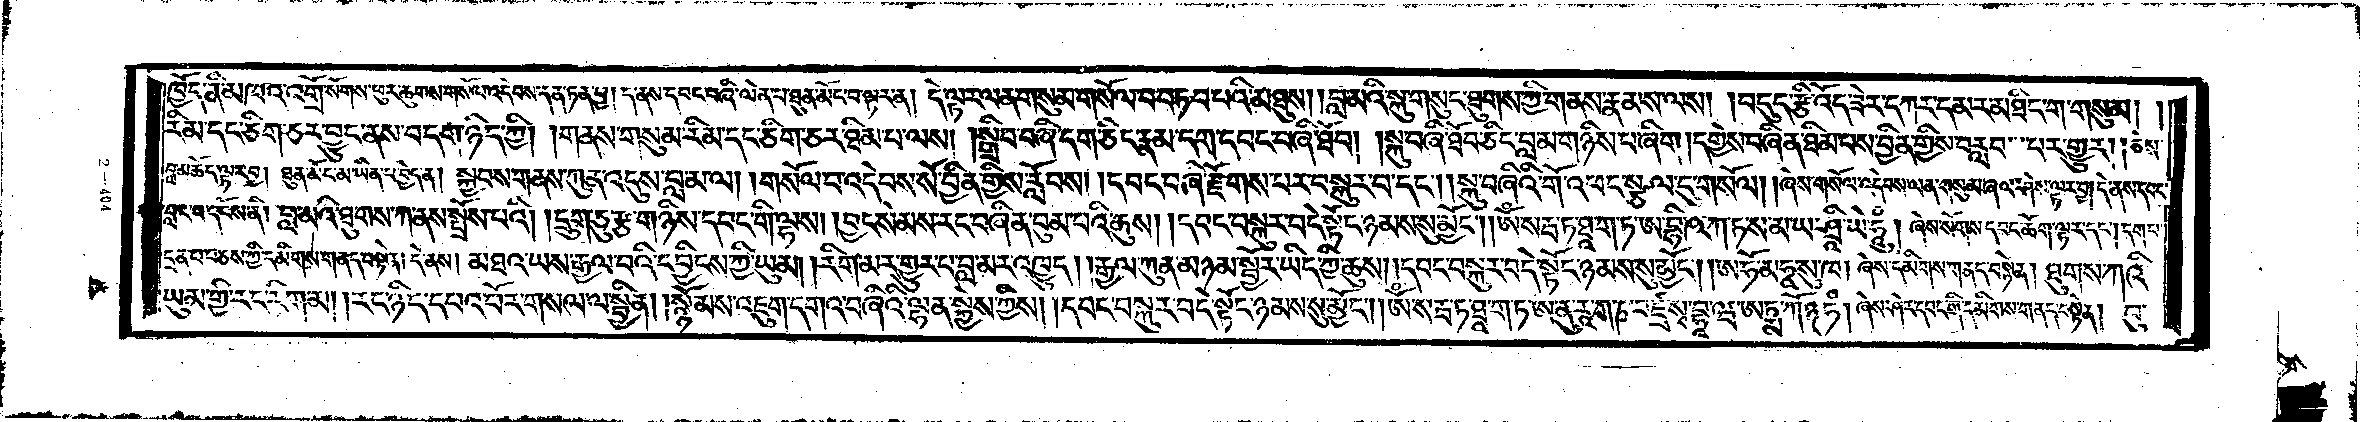ཁྱོད་ནི་མཁའ་འགྲོ་སོགས་ཕུར་ཆུགས་གསོལ་འདེབས་ནན་ཏན་བྱ། ད་ནས་དབང་བཞི་ལེན་པ་ཐུན་མོང་བ་ལྟར་ན།  དེ་ལྟར་ལན་གསུམ་གསོལ་བ་བཏབ་པའི་མཐུས། །བླ་མའི་སྐུ་གསུང་ཐུགས་ཀྱི་གནས་རྣམས་ལས། །བདུད་རྩི་འོད་ཟེར་དཀར་དམར་མཐིང་ག་གསུམ། །
རིམ་དང་ཅིག་ཅར་བྱུང་ནས་བདག་ཉིད་ཀྱི། །གནས་གསུམ་རིམ་དང་ཅིག་ཅར་ཐིམ་པ་ལས། །སྒྲིབ་བཞི་དག་ཅིང་རྣམ་དག་དབང་བཞི་ཐོབ། །སྐུ་བཞི་ཐོབ་ཅིང་བླ་མ་གཉིས་པ་ཞིག །དགྱེས་བཞིན་ཐིམ་པས་བྱིན་གྱིས་བརླབ་པར་གྱུར། །ཅེས་
བླ་མཆོད་ལྟར་བྱ། ཐུན་མོང་མ་ཡིན་པ་བྱེད་ན། སྐྱབས་གནས་ཀུན་འདུས་བླ་མ་ལ། །གསོལ་བ་འདེབས་སོ་བྱིན་གྱིས་རློབས། །དབང་བཞི་རྫོགས་པར་བསྐུར་བ་དང་། །སྐུ་བཞིའི་གོ་འཕང་སྩལ་དུ་གསོལ། །ཞེས་གསོལ་འདེབས་ལན་གསུམ་ཞལ་ཤེས་ལྟར་བྱ། དེ་ནས་དབང་
བླང་བ་དངོས་ནི། བླ་མའི་ཐུགས་ཀ་ནས་སྤྲོས་པའི། །དྲུག་ཅུ་རྩ་གཉིས་དབང་གི་ལྷས། །བྱང་སེམས་རང་བཞིན་བུམ་པའི་ཆུས། །དབང་བསྐུར་བདེ་སྟོང་ཉམས་སུ་མྱོང་། །ཨོཾ་སརྦ་ཏ་ཐཱ་ག་ཏ་ཨ་བྷི་ཥ་ཀ་ཏ་ས་མ་ཡ་ཤྲཱི་ཡེ་ཧཱུཾ། ཞེས་སོགས་དབང་ཆོག་ལྟར་དང་། དག་པ་
དྲན་པ་བཅས་ཀྱི་དམིགས་གནད་བསྟེན། དེ་ནས། མཐའ་ཡས་རྒྱལ་བའི་དབྱིངས་ཀྱི་ཡུམ། །རིག་མར་གྱུར་པ་བླ་མར་འཁྱུད། །རྒྱལ་ཀུན་མཉམ་སྦྱོར་ཡིད་ཀྱི་ཆུས། །དབང་བསྒུར་བདེ་སྟོང་ཉམས་སུ་མྱོང་། །ཨ་ཧོ་མཧཱ་སུ་ཁ། ཞེས་དམིགས་གནད་བསྙེན།  ཐུགས་ཀའི་
ཡུམ་གྱི་རང་རིག་མ། །རང་ཉིད་དཔའ་བོར་གསལ་ལ་སྦྱིན། །སྙོམས་འཇུག་དགའ་བཞིའི་ལྷན་སྐྱེས་ཀྱིས། །དབང་བསྐུར་བདེ་སྟོང་ཉམས་སུ་མྱོང་། །ཨོཾ་སརྦ་ཏ་ཤྲཱ་ག་ཏ་ཨ་ནུ་རཱ་གཎ་བཛྲ་སྭ་བྷཱ་ཝ་ཨཏྨ་ཀོཉཏཾ། ཞེས་ཤེར་དབང་གི་དམིགས་གནད་བསྟེན།  བུ་